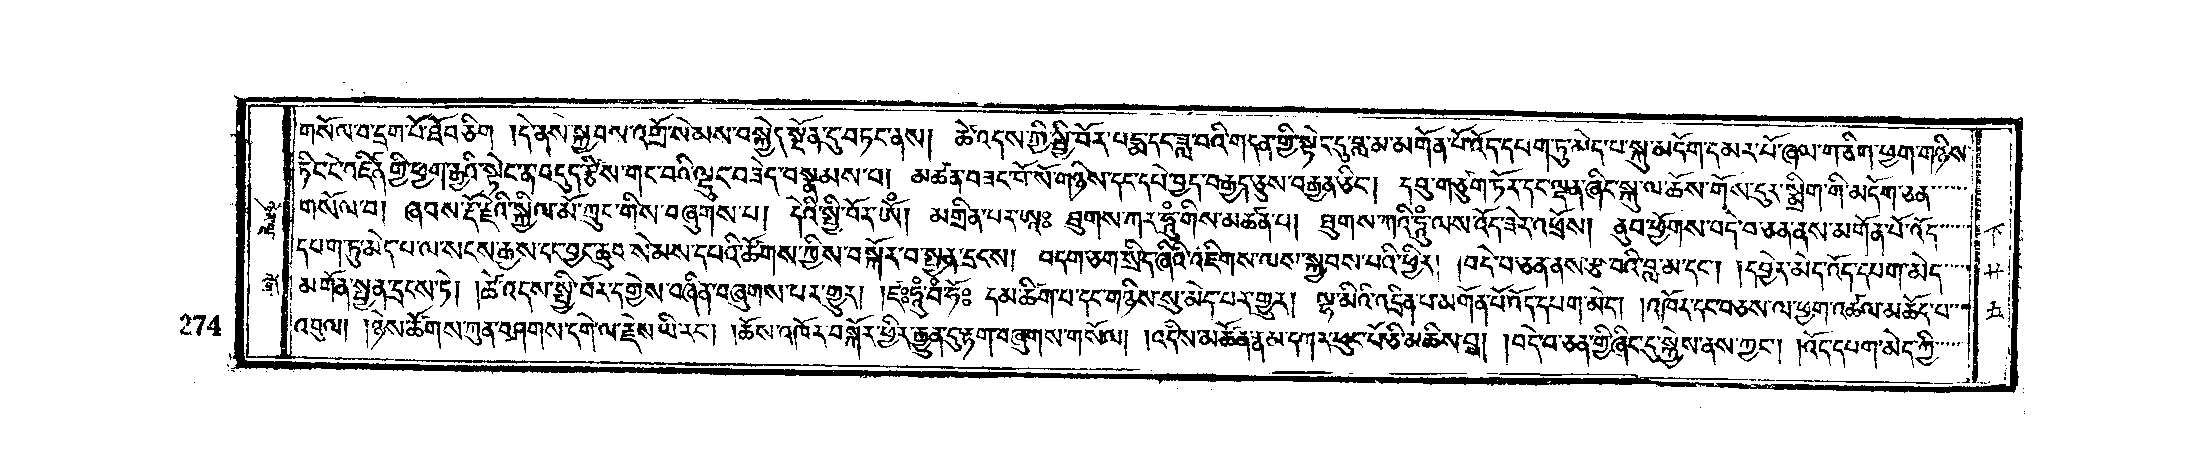གསོལ་བ་དྲག་པོ་ཐོབ་ཅིག །དེ་ནས་སྐྱབས་འགྲོ་སེམས་བསྐྱེད་སྔོན་དུ་བཏང་ནས། ཚེ་འདས་ཀྱི་སྤྱི་བོར་པདམ་དང་ཟླ་བའི་གདན་གྱི་སྟེང་དུ་བླ་མ་མགོན་པོ་འོད་དཔག་ཏུ་མེད་པ་སྐུ་མདོག་དམར་པོ་ཞལ་གཅིག་ཕྱག་གཉིས་
ཏིང་ངེ་འཛིན་གྱི་ཕྱག་རྒྱའི་སྟེང་ན་བདུད་རྩིས་གང་བའི་ལྷུང་བཟེད་བསྣམས་པ། མཚན་བཟང་པོ་སོ་གཉིས་དང་དཔེ་བྱད་བརྒྱད་ཅུས་བརྒྱན་ཅིང་། དབུ་གཙུག་ཏོར་དང་ལྡན་ཞིང་སྐུ་ལ་ཆོས་གོས་ངུར་སྨྲིག་གི་མདོག་ཅན་
གསོལ་བ། ཞབས་རྡོ་རྗེའི་སྐྱིལ་མོ་ཀྲུང་གིས་བཞུགས་པ། དེའི་སྤྱི་བོར་ཨོཾ། མགྲིན་པར་ཨཱཿ ཐུགས་ཀར་ཧཱུཾ་གིས་མཚན་པ། ཐུགས་ཀའི་ཧཱུཾ་ལས་འོད་ཟེར་འཕྲོས། ནུབ་ཕྱོགས་བདེ་བ་ཅན་ནས་མགོན་པོ་འོད་
དཔག་ཏུ་མེད་པ་ལ་སངས་རྒྱས་དང་བྱང་ཆུབ་སེམས་དཔའི་ཚོགས་ཀྱིས་བསྐོར་བ་སྤྱན་དྲངས། བདག་ཅག་སྲིད་ཞིའི་འཇིགས་ལས་སྐྱབས་པའི་ཕྱིར། །བདེ་བ་ཅན་ནས་རྩ་བའི་བླ་མ་དང་། །དབྱེར་མེད་འོད་དཔག་མེད་
མགོན་སྤྱན་དྲངས་ཏེ། །ཚེ་འདས་སྤྱི་བོར་དགྱེས་བཞིན་བཞུགས་པར་གྱུར། །ཛཿ ཧཱུཾ་བཾ་ཧོཿ དམ་ཚིག་པ་དང་གཉིས་སུ་མེད་པར་གྱུར། ལྷ་མིའི་འདྲིན་པ་མགོན་པོ་འོད་དཔག་མེད། །འཁོར་དང་བཅས་ལ་ཕྱག་འཚལ་མཆོད་པ་
འབུལ། །ཉེས་ཚོགས་ཀུན་བཤགས་དགེ་ལ་རྗེས་ཡི་རང་། །ཆོས་འཁོར་བསྐོར་ཕྱིར་རྒྱུན་དུ་རྟག་བཞུགས་གསོལ། །འདིས་མཚོན་རྣམ་དཀར་ཕུང་པོ་ཅི་མཆིས་པས། །བདེ་བ་ཅན་གྱི་ཞིང་དུ་སྐྱེས་ནས་ཀྱང་། །འོད་དཔག་མེད་ཀྱི་